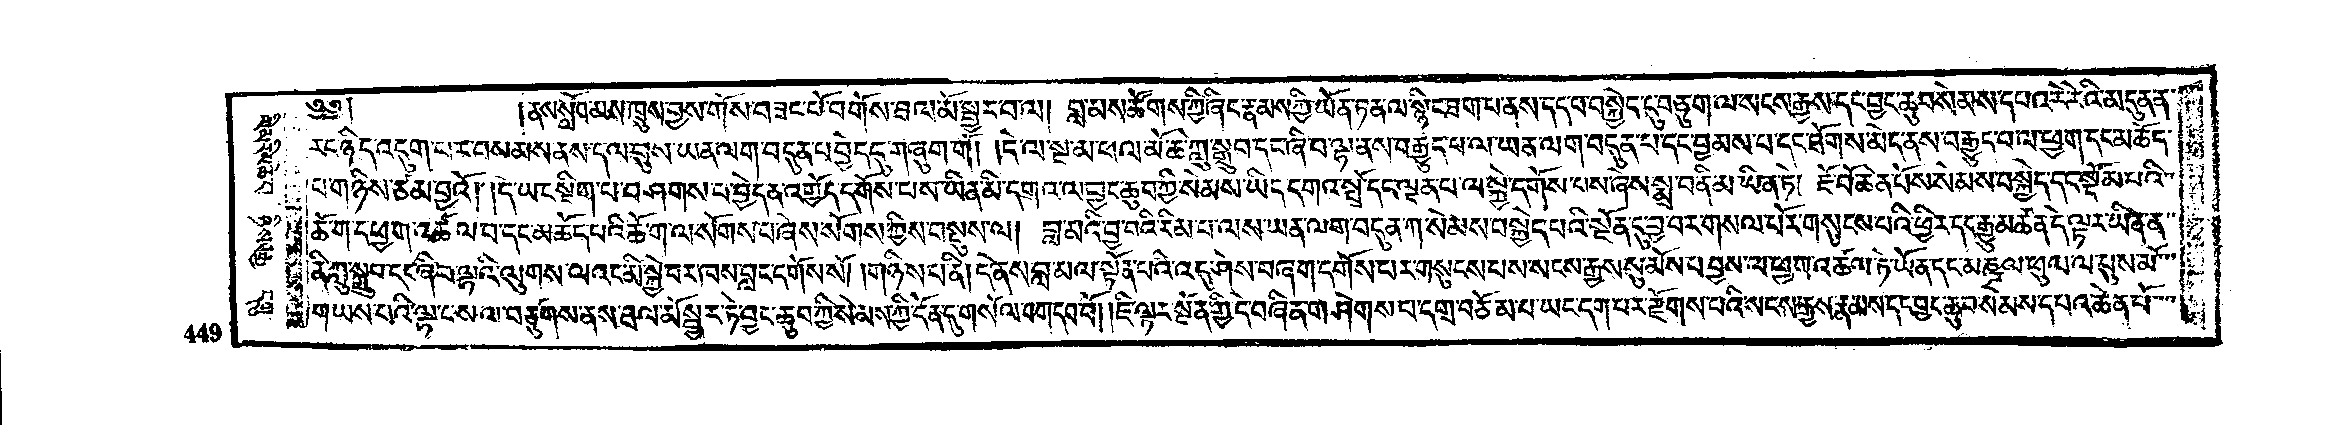༄༅། །ནས་སློབ་མས་ཁྲུས་བྱས་གོས་བཟང་པོ་བགོས་ཐལ་མོ་སྦྱར་བ་ལ། བླ་མས་ཚོགས་ཀྱི་ཞིང་རྣམས་ཀྱི་ཡོན་ཏན་ལ་སྙིང་ཐག་པ་ནས་དང་བ་བསྐྱེད་དུ་བཅུག་ལ་སངས་རྒྱས་དང་བྱང་ཆུབ་སེམས་དཔའ་རེ་རེའི་མདུན་ན་
རང་ཉིད་འདུག་པར་བསམས་ནས་དལ་བུས་ཡན་ལག་བདུན་པ་བྱེད་དུ་གཞུག་གོ། །དེ་ལ་སྔ་མ་ཕལ་མོ་ཆེ་ཀླུ་སྒྲུབ་དང་ཞི་བ་ལྷ་ནས་བརྒྱུད་པ་ལ་ཡན་ལག་བདུན་པ་དང་བྱམས་པ་དང་ཐོགས་མེད་ནས་བརྒྱུད་པ་ལ་ཕྱག་དང་མཆོད་
པ་གཉིས་ཙམ་བྱའོ། །དེ་ཡང་སྡིག་པ་བཤགས་པ་བྱེད་ན་འགྱོད་དགོས་པས་ཡིད་མི་དགའ་ལ་བྱང་ཆུབ་ཀྱི་སེམས་ཡིད་དགའ་སྤྲོ་དང་ལྡན་པ་ལ་སྐྱེ་དགོས་པས་ཞེས་སྨྲ་བ་ནི་མ་ཡིན་ཏེ། ཇོ་བོ་ཆེན་པོས་སེམས་བསྐྱེད་དང་སྡོམ་པའི་
ཆོ་གར་ཕྱག་འཚལ་བ་དང་མཆོད་པའི་ཆོག་ལ་སོགས་པ་ཞེས་སོགས་ཀྱིས་བསྡུས་ལ། བླ་མའི་བྱ་བའི་རིམ་པ་ལས་ཡན་ལག་བདུན་ཀ་སེམས་བསྐྱེད་པའི་སྔོན་དུ་བྱ་བར་གསལ་པོར་གསུངས་པའི་ཕྱིར་དང་རྒྱུ་མཚན་དེ་ལྟར་ཡིན་ན་
ནི་ཀླུ་སྒྲུབ་དང་ཞི་བ་ལྷའི་ལུགས་ལའང་མི་སྐྱེ་བར་ཁས་བླང་དགོས་སོ། །གཉིས་པ་ནི། དེ་ནས་བླ་མ་ལ་སྟོན་པའི་འདུ་ཤེས་བཞག་དགོས་པར་གསུངས་པས་སངས་རྒྱས་སུ་མོས་པ་བྱས་ལ་ཕྱག་འཚལ་ཏེ་ཡོན་དང་མཎྜལ་ཕུལ་ལ་པུས་མོ་
གཡས་པའི་ལྷ་ང་ས་ལ་བཙུགས་ནས་ཐལ་མོ་སྦྱར་ཏེ་བྱང་ཆུབ་ཀྱི་སེམས་ཀྱི་དོན་དུ་གསོལ་བ་གདབ་བོ། །ཇི་ལྟར་སྔོན་གྱི་དེ་བཞིན་གཤེགས་པ་དགྲ་བཅོམ་པ་ཡང་དག་པར་རྫོགས་པའི་སངས་རྒྱས་རྣམས་དང་བྱང་ཆུབ་སེམས་དཔའ་ཆེན་པོ་